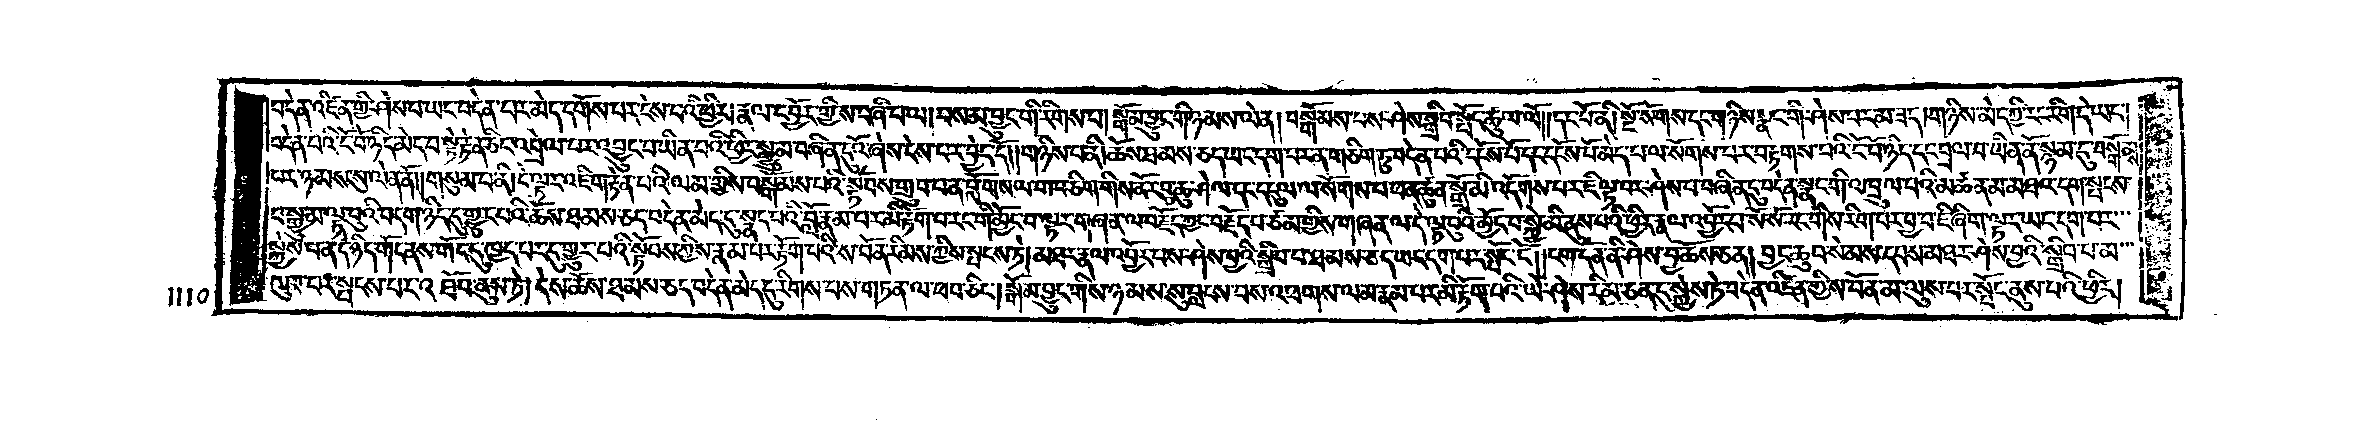བདེན་འཛིན་གྱི་ཤེས་པ་ཡང་བདེན་པར་མེད་དགོས་པར་ངེས་པའི་ཕྱིར། རྣལ་འབྱོར་གྱི་ས་བཞི་པ་ལ། བསམ་བྱུང་གི་རིགས་པ། སྒོམ་བྱུང་གི་ཉམས་ལེན། བསྒོམས་པས་ཤེས་སྒྲིབ་སྤོང་ཚུལ་ལོ། །དང་པོ་ནི། སྔོ་སོགས་དང་གཉིས་སྣང་གི་ཤེས་པར་མ་ཟད། གཉིས་མེད་ཀྱི་རང་རིག་དེ་ཡང་།
བདེན་པའི་ངོ་བོ་ཉིད་མེད་པ་སྟེ་རྟེན་ཅིང་འབྲེལ་པར་འབྱུང་པ་ཡིན་པའི་ཕྱིར་སྒྱུ་མ་བཞིན་དུའོ་ཞེས་ངེས་པར་བྱེད་དོ། །གཉིས་པ་ནི། ཆོས་ཐམས་ཅད་ཡང་དག་པར་ན་གཅིག་ཏུ་བདེན་པའི་དངོས་པོ་དང་དངོས་པོ་མེད་པ་ལ་སོགས་པར་བརྟགས་པའི་ངོ་བོ་ཉིད་དང་བྲལ་བ་ཡིན་ནོ་སྙམ་དུ་བསྒོམས་
པར་ཉམས་སུ་ལེན་ནོ། །གསུམ་པ་ནི། དེ་ལྟར་འཇིག་རྟེན་པའི་ལམ་གྱིས་བསྒོམས་པའི་སྟོབས་གྲུབ་པ་ན་བློ་གསལ་བ་ཁ་ཅིག་གིས་ནོར་བུ་ཆུ་ཤེལ་དང་དངུལ་ལ་སོགས་པ་ཕན་ཚུན་སྒྲོ་མི་འདོགས་པར་ཇི་ལྟ་བར་ཤེས་པ་བཞིན་དུ་བདེན་སྣང་གི་འཁྲུལ་པའི་མཚན་མ་མཐའ་དག་སྤངས་
པ་སྒྱུ་མ་ལྟ་བུའི་བདག་ཉིད་དུ་གྱུར་པའི་ཆོས་ཐམས་ཅད་བདེན་མེད་དུ་སྣང་པའི་བློ་རྣམ་པར་མི་རྟོག་པ་རང་གི་མྱོང་བ་ལྟར་གཞན་ལ་བརྗོད་ཀྱང་བརྗོད་པ་ཙམ་གྱིས་གཞན་ལ་དེ་ལྟ་བུའི་མྱོང་བ་སྐྱེ་མི་ནུས་པའི་ཕྱིར་རྣལ་འབྱོར་པ་སོ་སོ་རང་གིས་རིག་པར་བྱ་བ་ཇི་ཞིག་ལྟར་ཡང་དག་པར་
སྐྱེས་པ་ན་དེ་ཉིད་གོང་ནས་གོང་དུ་ཁྱད་པར་དུ་གྱུར་པའི་སྟོབས་ཀྱིས་རྣམ་པར་རྟོག་པའི་ས་བོན་རིམས་ཀྱིས་སྤངས་ཏེ། མཐར་རྣལ་འབྱོར་པས་ཤེས་བྱའི་སྒྲིབ་པ་ཐམས་ཅད་ཡང་དག་པར་སྤོང་ངོ། །ངག་དོན་ནི་ཤེས་བྱ་ཆོས་ཅན། བྱང་ཆུབ་སེམས་དཔས་མཐར་ཤེས་བྱའི་སྒྲིབ་པ་མ་
ལུས་པར་སྤངས་པར་འཐོབ་ནུས་ཏེ། དེས་ཆོས་ཐམས་ཅད་བདེན་མེད་དུ་རིགས་པས་གཏན་ལ་ཕབ་ཅིང་། སྒོམ་བྱུང་གིས་ཉམས་སུ་བླངས་པས་འཕགས་ལམ་རྣམ་པར་མི་རྟོག་པའི་ཡེ་ཤེས་རིམ་ཅན་དུ་སྐྱེས་རེ་བདེན་འཛིན་གྱི་ས་བོན་མ་ལུས་པར་སྤོང་ནུས་པའི་ཕྱིར།